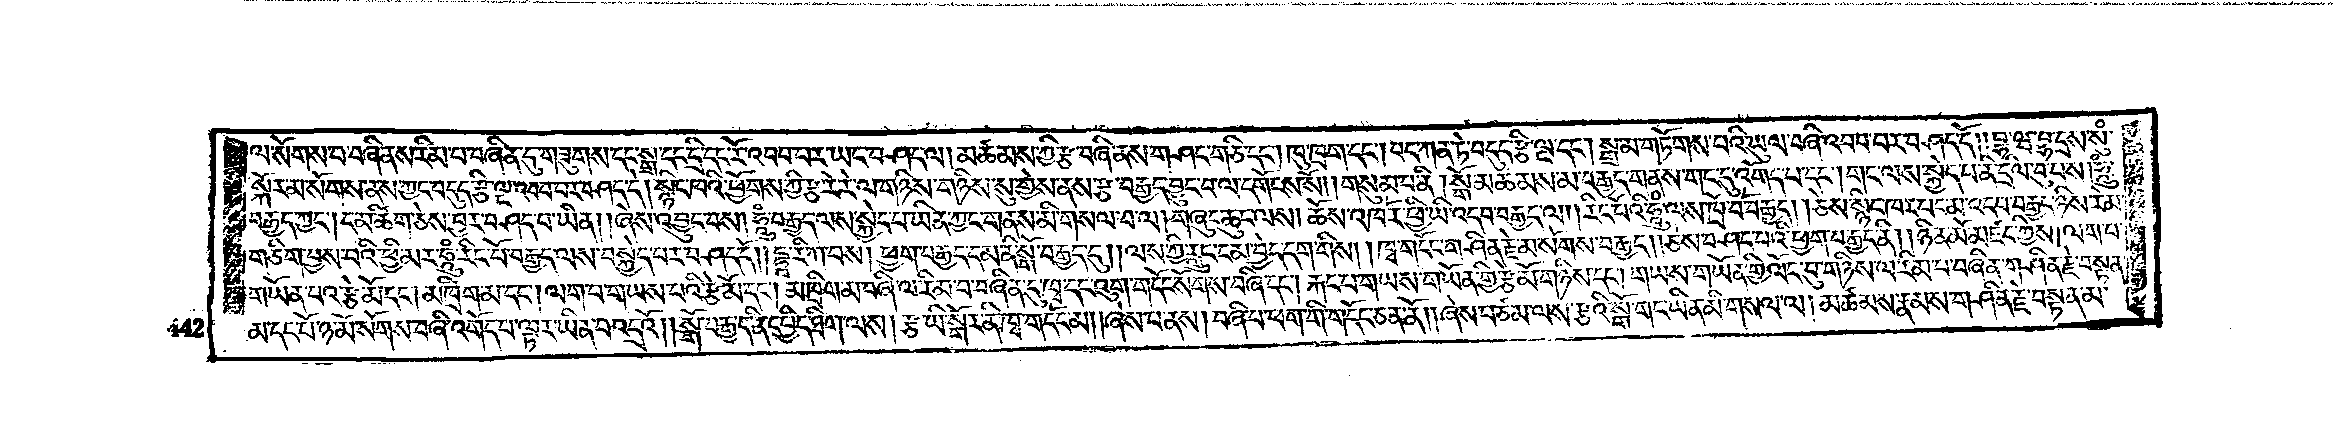ལ་སོགས་པ་བཞི་ནས་རིམ་པ་བཞིན་དུ་གཟུགས་དང་སྒྲ་དང་དྲི་དང་རོ་འབབ་པར་ཡང་བཤད་ལ། མཚམས་ཀྱི་རྩ་བཞི་ནས་གཤང་གཅི་དང་། ཁུ་ཁྲག་དང་། བད་ཀན་ཏེ་བདུད་རྩི་ལྔ་དང་། སྒྲ་མ་གཏོགས་པའི་ཡུལ་བཞི་འབབ་པར་བཤད་དོ། །བྷ་ཝ་བྷ་དྲས་སུམ་
སྐོར་མ་སོགས་ནས་ཀྱང་བདུད་རྩི་ལྔ་འབབ་པར་བཤད་དེ། སྙིང་ཁའི་ཕྱོགས་ཀྱི་རྩ་རེ་རེ་ལ་གཉིས་གཉིས་སུ་གྱེས་ནས་རྩ་བརྒྱད་བྱུང་བ་ལ་དགོངས་སོ། །གསུམ་པ་ནི། སྒོ་མཚམས་མ་བརྒྱད་གནས་གང་དུ་འགོད་པ་དང་། གང་ལས་སྐྱེད་པ་ནི་དྲིལ་བུ་པས། ཧཱུཾ་
བརྒྱད་ཀྱང་། དམ་ཚིག་ཅེས་བྱར་བཤད་པ་ཡིན། །ཞེས་འབྱུང་བས། ཧཱུཾ་བརྒྱད་ལས་སྐྱེད་པ་ཡིན་ཀྱང་གནས་མི་གསལ་བ་ལ། གཞུང་ཆུང་ལས། ཆོས་འཁོར་ཕྱི་ཡི་འདབ་བརྒྱད་ལ། །རིང་པོའི་ཧཱུཾ་ལས་ཁྲོ་བོ་བརྒྱད། །ཅེས་སྙིང་ཁར་པད་མ་འདབ་བརྒྱད་ཉིས་རིམ་
གཅིག་བྱས་པའི་ཕྱི་མར་ཧཱུཾ་རིང་པོ་བརྒྱད་ལས་བསྐྱེད་པར་བཤད་དོ། །དྷཱ་རི་ཀ་པས། ཕྱག་བརྒྱད་དམ་ནི་སྒོ་བརྒྱད་དུ། །ལས་ཀྱི་རླུང་ངམ་བྱེད་དག་གིས། །ཁྭ་གདོང་གཤིན་རྗེ་མ་སོགས་བརྒྱད། །ཅེས་བཤད་པའི་ཕྱག་བརྒྱད་ནི། །ཉིན་མོ་མཛད་ཀྱིས། །ལག་པ་
གཡོན་པའི་རྩེ་མོ་དང་། །མཁྲིག་མ་དང་། ལག་པ་གཡས་པའི་རྩེ་མོ་དང་། །མཁྲིག་མ་བཞི་ལ་རིམ་པ་བཞིན་དུ་ཁྭ་དང་འུག་གདོང་སོགས་བཞི་དང་། རྐང་པ་གཡས་གཡོན་གྱི་རྩེ་མོ་གཉིས་དང་། གཡས་གཡོན་གྱི་ལོང་བུ་གཉིས་ལ་རིམ་པ་བཞིན་གཤིན་རྗེ་བསྟན་
མ་དང་ཕོ་ཉ་མོ་སོགས་བཞི་འགོད་པ་ལྟར་ཡིན་པ་འདྲའོ། །སྒོ་བརྒྱ་ད་ནི་དཔྱིད་ཐིག་ལས། རྩ་ཡི་སྒོར་ནི་ཁྭ་གདོང་མ། །ཞེས་པ་ནས། བཞི་པ་ཕག་གི་གདོང་ཅན་ནོ། །ཞེས་པ་ཙམ་ལས་རྩའི་སྒོ་གང་ཡིན་མི་གསལ་ལ། མཚམས་རྣམས་གཤིན་རྗེ་བསྟན་མ་